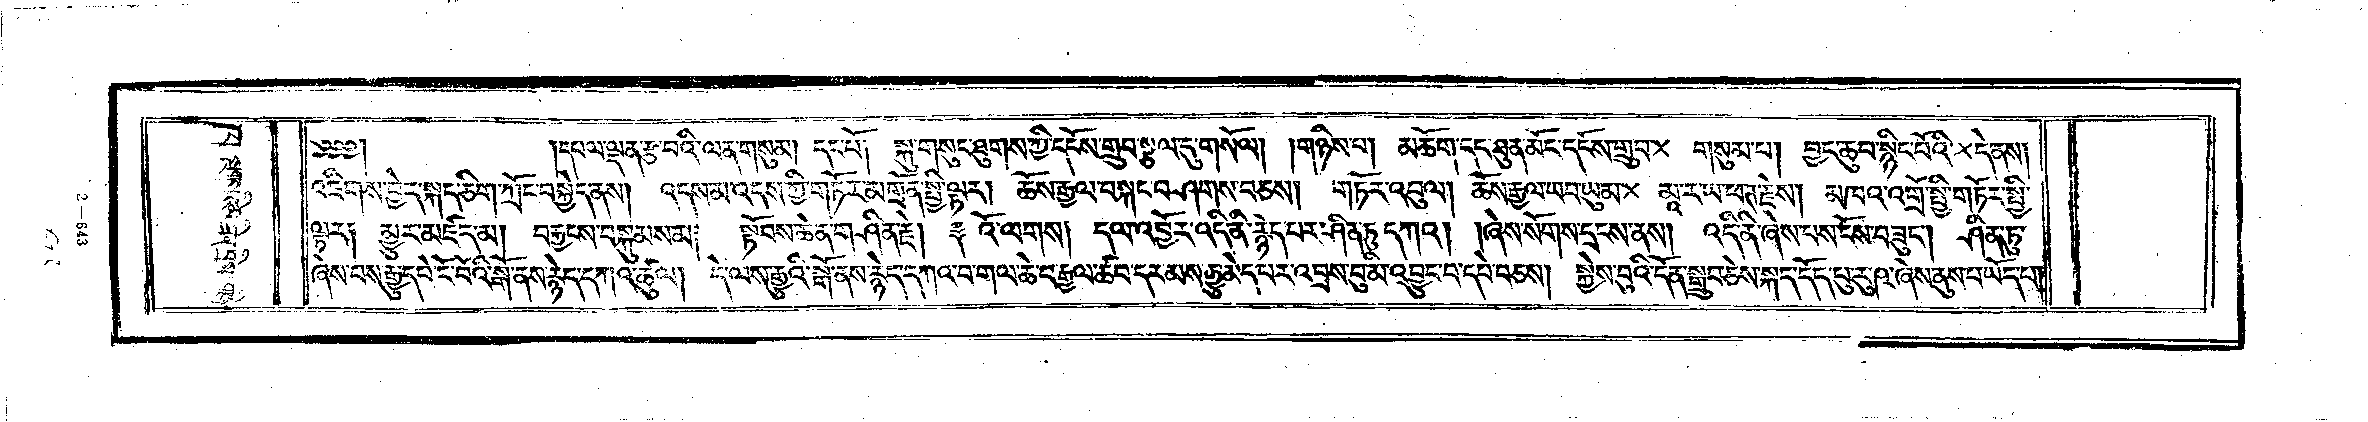༄༅། །དཔལ་ལྡན་རྩ་བའི་ལན་གསུམ། དང་པོ། སྐུ་གསུང་ཐུགས་ཀྱི་དངོས་གྲུབ་སྩལ་དུ་གསོལ། །གཉིས་པ། མཆོག་དང་ཐུན་མོང་དངོས་གྲུབ་྾་གསུམ་པ། བྱང་ཆུབ་སྙིང་པོའི་྾་དེ་ནས།
འཇིགས་བྱེད་སྐད་ཅིག་ཀྲོང་བསྐྱེད་ནས། འདས་མ་འདས་ཀྱི་གཏོར་མགྲོན་སྤྱི་ལྟར། ཆོས་རྒྱལ་བསྐང་བཤགས་བཅས། གཏོར་འབུལ། ཆོས་རྒྱལ་ཡབ་ཡུམ་྾་མཱ་ར་ཡ་ཕཌ་རྗེས། མཁའ་འགྲོ་སྤྱི་གཏོར་སྤྱི་
ལྟར། མྱུར་མཛད་མ། བརྐྱངས་བསྐུམས་མ། སྟོབས་ཆེན་གཤིན་རྗེ། ༈ འོ་ལགས། དལ་འབྱོར་འདི་ནི་རྙེད་པར་ཤིན་ཏུ་དཀའ། །ཞེས་སོགས་དྲངས་ནས། འདི་ནི་ཞེས་པས་ངོས་བཟུང་། ཤིན་ཏུ་
ཞེས་པས་རྒྱུ་དཔེ་ངོ་བོའི་སྒོ་ནས་རྙེད་དཀའ་ཚུལ། དེ་ལས་རྒྱུའི་སྒོ་ནས་རྙེད་དཀའ་བ་གལ་ཆེ་བ་རྒྱལ་ཚབ་དར་མས་རྒྱུ་མེད་པར་འབྲས་བུ་མི་འབྱུང་བ་དབེ་བཅས། སྐྱེས་བུའི་དོན་སྒྲུབ་ཅེས་སྐད་དོད་བུ་རུ་ཥ་ཞེས་ནུས་པ་ཡོད་པ།